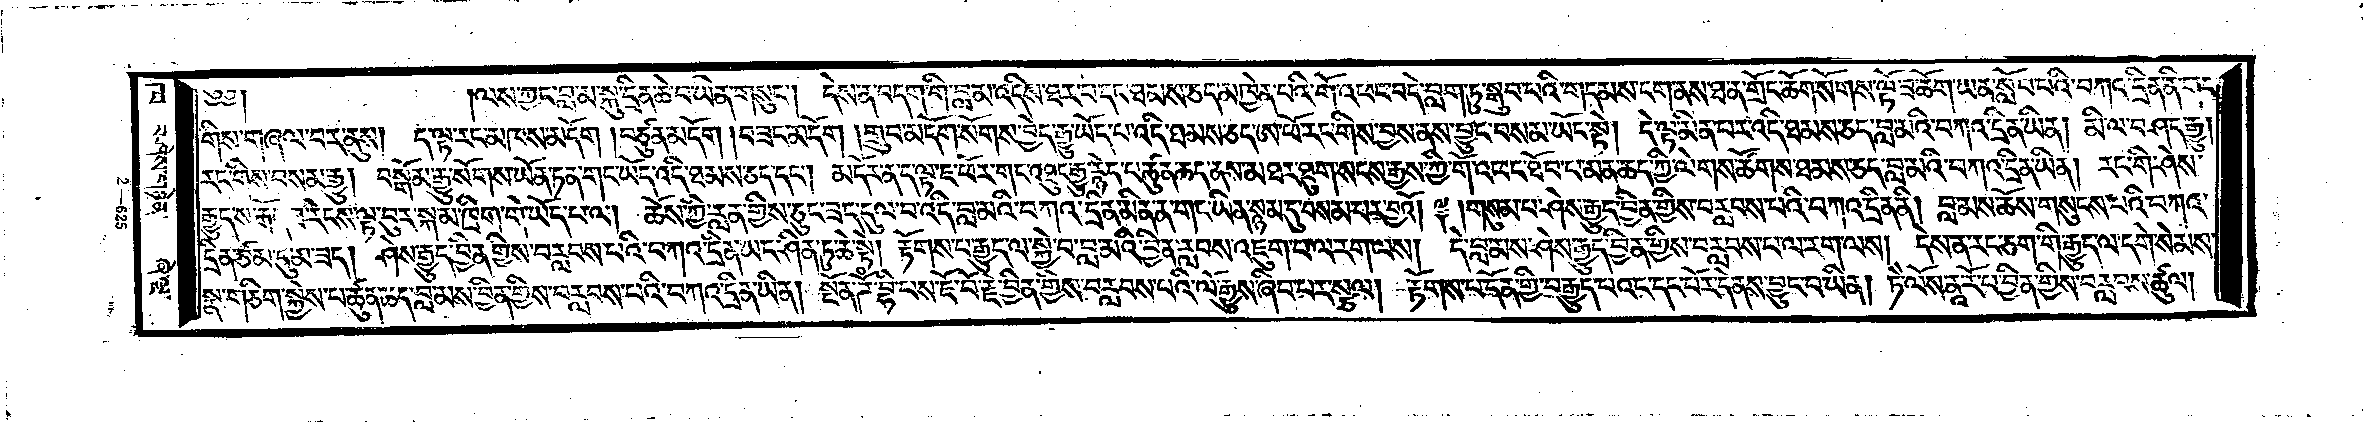༄༅། །ལས་ཀྱང་བླ་མ་སྐུ་དྲིན་ཆེ་བ་ཡིན་གསུང་། དེས་ན་བདག་གི་བླ་མ་འདིས་ཐར་པ་དང་ཐམས་ཅད་མཁྱེན་པའི་གོ་འཕང་བདེ་བླག་ཏུ་སྒྲུབ་པའི་གདམས་ངག་ནས་ཐན་གྲོང་ཆོག་སོགས་ལྟོ་ཟ་ཆོག་ཡན་སློབ་པའི་བཀའ་དྲིན་ནི་གང་
གིས་གཞལ་བར་ནུས། ད་ལྟ་རང་མཁས་མདོག །བཙུན་མདོག །བཟང་མདོག །གྲུབ་མདོག་སོགས་བྱེད་རྒྱུ་ཡོད་པ་འདི་ཐམས་ཅད་ཨ་ཕོ་རང་གིས་བྱས་ནས་བྱུང་བསམ་ཡོང་སྟེ། དེ་ལྟ་མིན་པར་འདི་ཐམས་ཅད་བླ་མའི་བཀའ་དྲིན་ཡིན། མི་ལ་བཤད་རྒྱུ།
རང་གིས་བསམ་རྒྱུ། བསྒོམ་རྒྱུ་སོགས་ཡོན་ཏན་གང་ཡོད་འདི་ཐམས་ཅད་དང་། མདོར་ན་ད་ལྟ་ཇ་ཕོར་གང་འཐུང་རྒྱུ་རྙེད་པ་ཚུན་ཆད་ནས་མཐར་ཐུག་སངས་རྒྱས་ཀྱི་གོ་འཕང་ཐོབ་པ་མན་ཆད་ཀྱི་ལེགས་ཚོགས་ཐམས་ཅད་བླ་མའི་བཀའ་དྲིན་ཡིན། རང་གི་ཤེས་
རྒྱུད་ས་རྒོད་ཐ་རེངས་ལྟ་བུར་སྐམ་ཁྲིག་གེ་ཡོད་པ་ལ། ཆོས་ཀྱི་རླན་གྱིས་ཅུང་ཟད་དུལ་བ་འདི་བླ་མའི་བཀའ་དྲིན་མིན་ན་གང་ཡིན་སྙམ་དུ་བསམ་པར་བྱའོ། ༈ །གསུམ་པ་ཤེས་རྒྱུད་བྱིན་གྱིས་བརླབས་པའི་བཀའ་དྲིན་ནི། བླ་མས་ཆོས་གསུངས་པའི་བཀའ་
དྲིན་ཙམ་དུ་མ་ཟད། ཤེས་རྒྱུད་བྱིན་གྱིས་བརླབས་པའི་བཀའ་དྲིན་ཡང་ཤིན་ཏུ་ཆེ་སྟེ། རྟོགས་པ་རྒྱུད་ལ་སྐྱེ་བ་བླ་མའི་བྱིན་རླབས་འཇུག་པ་ལ་རག་ལས། དེ་བླ་མས་ཤེས་རྒྱུད་བྱིན་གྱིས་བརླབས་པ་ལ་རག་ལས། དེས་ན་རང་ཅག་གི་རྒྱུད་ལ་དགེ་སེམས་
སྣ་གཅིག་སྐྱེས་པ་ཚུན་ཆད་བླ་མས་བྱིན་གྱིས་བརླབས་པའི་བཀའ་དྲིན་ཡིན། སྔོན་ཌོཾ་བྷི་པས་ཇོ་བོ་རྗེ་བྱིན་གྱིས་བརླབས་པའི་ལོ་རྒྱུས་ཞིབ་པར་སྩལ། རྟོགས་པ་དོན་གྱི་བརྒྱུད་པའང་དང་པོར་དེ་ནས་བྱུང་བ་ཡིན། ཏཻ་ལོས་ནཱ་རོ་པ་བྱིན་གྱིས་བརླབས་ཚུལ།